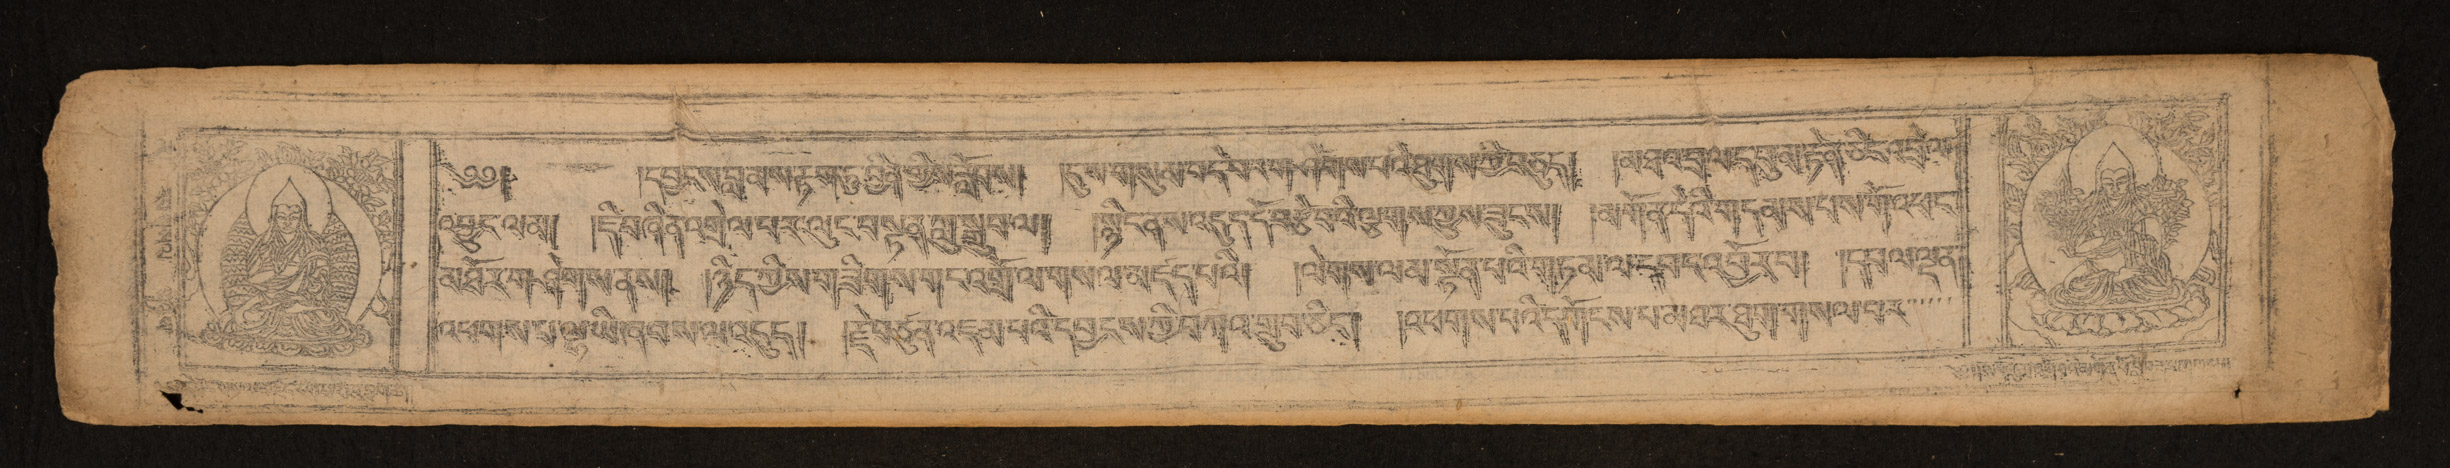༄༅། །དབྱངས་བླ་མས་རྟག་ཏུ་བྱིན་གྱིས་རློབས། །དུས་གསུམ་བདེ་བར་གཤེགས་པའི་ཐུགས་ཀྱི་བཅུད། །མཐའ་བྲལ་དབུ་མ་རྟེན་ཅིང་འབྲེལ་
འབྱུང་ལམ། །ཇི་བཞིན་འགྲེལ་པར་ལུང་བསྟན་ཀླུ་སྒྲུབ་ལ། །སྙིང་ནས་འདུད་དོ་བརྩེ་བའི་ལྕགས་ཀྱུས་ཟུངས། །མགོན་དེའི་གདམས་པས་གོ་འཕང་
མཐོར་གཤེགས་ནས། །ཉིད་ཀྱིས་གཟིགས་གང་འགྲོ་ལ་གསལ་མཛད་པའི། །ལེགས་ལམ་སྟོན་པའི་གཏམ་ལ་དབང་འབྱོར་པ། །དཔལ་ལྡན་
འཕགས་པ་ལྷ་ཡི་ཞབས་ལ་འདུད། །རྗེ་བཙུན་འཇམ་པའི་དབྱངས་ཀྱི་བཀའ་གྲུབ་ཅིང་། །འཕགས་པའི་དགོངས་པ་མཐར་ཐུག་གསལ་བར་